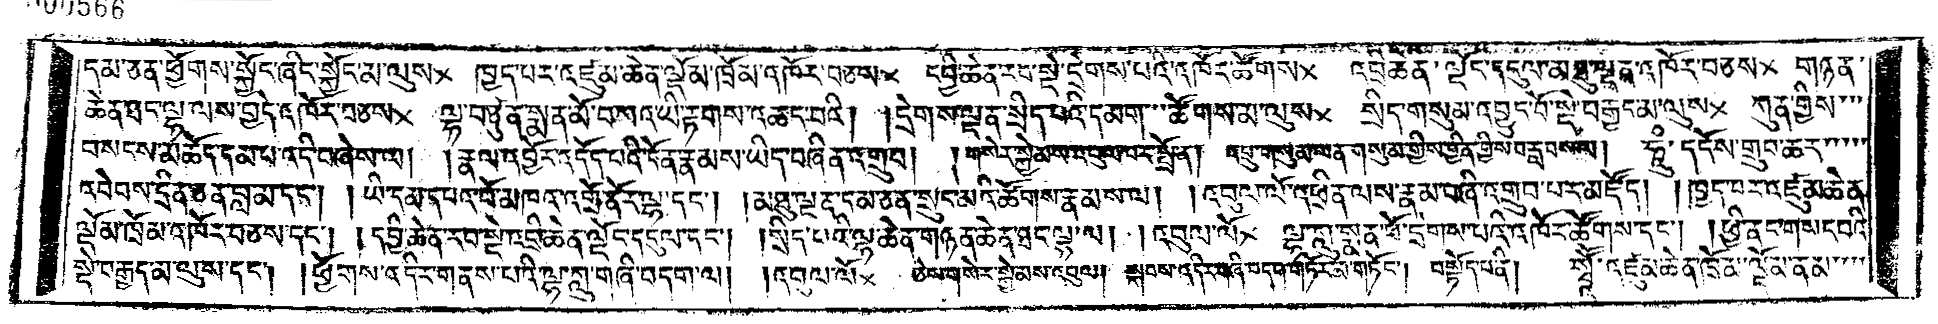དམ་ཅན་ཕྱོགས་སྐྱོང་ཞིང་སྐྱོང་མ་ལུས྾་ཁྱད་པར་འཛུམ་ཆེན་ལྡོམ་ཁྲོམ་འཁོར་བཅས྾་དབྱི་ཆེན་རབ་སྡེ་དྲེགས་པའི་འཁོར་ཚོགས྾་འབྲི་ཆེན་ལྡོང་དངུལ་མཐུ་ལྡན་འཁོར་བཅས྾་གཉན་
ཆེན་ཐང་ལྷ་ལས་བྱེད་འཁོར་བཅས྾་ལྷ་བཙུན་སྨན་མོ་བཀའ་ཡི་རྟགས་འཆང་བའི། །དྲེགས་ལྡན་སྲིད་པའི་དམག་ཚོགས་མ་ལུས྾་སྲིད་གསུམ་འབྱུང་བོ་སྡེ་བརྒྱད་མ་ལུས྾་ཀུན་གྱིས་
བསངས་མཆོད་དམ་པ་འདི་བཞེས་ལ། །རྣལ་འབྱོར་འདོད་པའི་དོན་རྣམས་ཡིད་བཞིན་འགྲུབ། ། གསེར་སྐྱེམས་འབུལ་བར་སྤྲོ་ན། འབྲུ་གསུམ་ལན་གསུམ་གྱིས་བྱིན་གྱིས་བརླབས་ལ།  ཧཱུཾ་དངོས་གྲུབ་ཆར་
འབེབས་དྲིན་ཅན་བླ་མ་དང་། །ཡི་དམ་དཔའ་བོ་མཁའ་འགྲོ་ནོར་ལྷ་དང་། །མཐུ་ལྡན་དམ་ཅན་སྲུང་མའི་ཚོགས་རྣམས་ལ། །འབུལ་ལོ་འཕྲིན་ལས་རྣམ་བཞི་འགྲུབ་པར་མཛོད། །ཁྱད་པར་འཛུམ་ཆེན་
ལྡོམ་ཁྲོམ་འཁོར་བཅས་དང་། །དབྱི་ཆེན་རབ་སྡེ་འབྲི་ཆེན་ལྡོང་དངུལ་དང་། །སྲིད་པའི་ལྷ་ཆེན་གཉན་ཆེན་ཐང་ལྷ་ལ། །འབུལ་ལོ྾་ལྷ་ཀླུ་སྨན་ཕོ་དྲེགས་པའི་འཁོར་ཚོགས་དང་། །ཕྱི་ནང་གསང་བའི་
སྡེ་བརྒྱད་མ་ལུས་དང་། །ཕྱོགས་འདིར་གནས་པའི་ལྷ་ཀླུ་གཞི་བདག་ལ། །འབུལ་ལོ྾་ཅེས་གསེར་སྐྱེམས་འབུལ། སྐབས་འདིར་གཞི་བདག་གཏོར་མ་གཏོང་། བསྟོད་པ་ནི།  སཝOཨོ་འཛུམ་ཆེན་ཁྲོམ་ལྡོམ་ནམ་